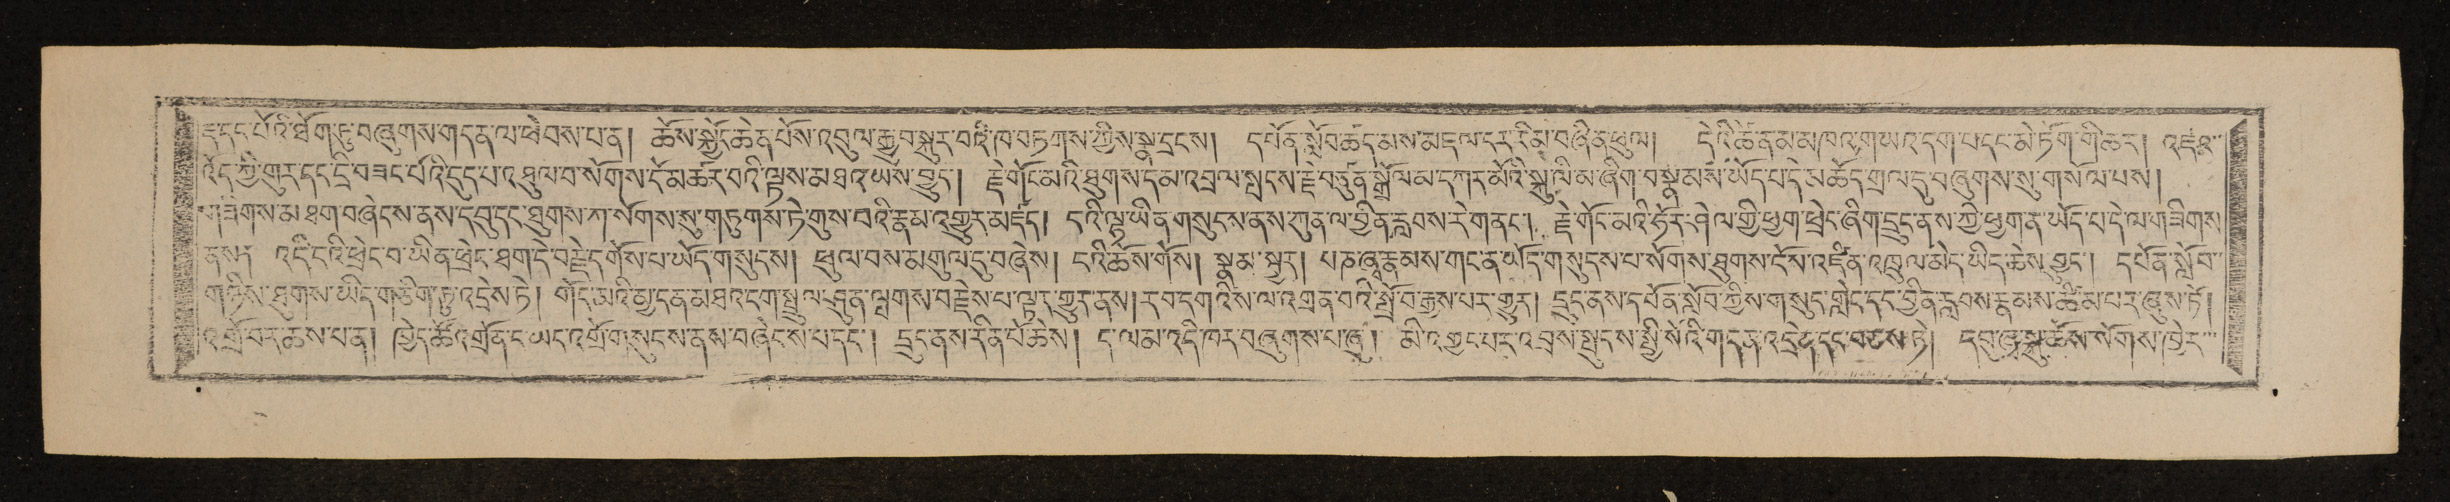ཇ་དང་པོའི་ཐོག་ཏུ་བཞུགས་གདན་ལ་ཕེབས་པ་ན། ཆོས་སྐྱོང་ཆེན་པོས་འབུལ་རྒྱུ་བསྐུར་བའི་ཁ་བཏགས་ཀྱིས་སྣ་དྲངས། དཔོན་སློབ་ཚང་མས་མཇལ་དར་རིམ་བཞིན་ཕུལ། དེའི་ཚེ་ནམ་མཁའ་གཡའ་དག་པ་དང་མེ་ཏོག་གི་ཆར། འཇའ་
འོད་ཀྱི་གུར་དང་དྲི་བཟང་པོའི་དུད་པ་འཐུལ་བ་སོགས་ངོ་མཚར་བའི་ལྟས་མཐའ་ཡས་བྱུང་། རྗེ་གོང་མའི་ཐུགས་དམ་འབྲལ་སྤངས་རྗེ་བཙུན་སྒྲོལ་མ་དཀར་མོའི་སྐུ་ལི་མ་ཞིག་བསྣམས་ཡོད་པ་དེ་མཆོད་གྲལ་དུ་བཞུགས་སུ་གསོལ་བས།
གཟིགས་མ་ཐག་བཞེངས་ནས་དབུ་དང་ཐུགས་ཀ་སོགས་སུ་གཏུགས་ཏེ་གུས་པའི་རྣམ་འགྱུར་མཛད། ངའི་ལྷ་ཡིན་གསུངས་ནས་ཀུན་ལ་བྱིན་རླབས་རེ་གནང་། རྗེ་གོང་མའི་ཧོར་ཤེལ་གྱི་ཕྱག་ཕྲེང་ཞིག་དྲུང་ནས་ཀྱི་ཕྱག་ན་ཡོད་པ་དེ་ལ་གཟིགས་
ནས༑ འདི་ངའི་ཕྲེང་བ་ཡིན་ཕྲེང་ཐག་དེ་བརྗེ་དགོས་པ་ཡོད་གསུངས། ཕུལ་བས་མགུལ་དུ་བཞེས། ངའི་ཆོས་གོས། སྣམ་སྦྱར། པཎ་ཞྭ་རྣམས་གང་ན་ཡོད་གསུངས་པ་སོགས་ཐུགས་ངོས་འཛིན་འཁྲུལ་མེད་ཡིད་ཆེས་བྱུང་། དཔོན་སློབ་
གཉིས་ཐུགས་ཡིད་གཅིག་ཏུ་འདྲེས་ཏེ། གོང་མའི་མྱ་ངན་མཐའ་དག་སྦྲུལ་ཤུན་ལྤགས་པ་རྗེས་པ་ལྟར་གྱུར་ནས། རབ་དགའི་ས་ལ་འགྲན་པའི་སྤྲོ་བ་རྒྱས་པར་གྱུར། དྲུང་ནས་དཔོན་སློབ་ཀྱིས་གསུང་གླེང་དང་བྱིན་རླབས་རྣམས་ཚིམ་པར་ཞུས་ཏེ།
འགྲོ་བར་ཆས་པ་ན། ཁྱེད་ཚོ་འགྲོན་ང་ཡང་འགྲོ་གསུངས་ནས་བཞེངས་པ་དང་། དྲུང་ནས་རིན་པོ་ཆེས། ད་ལམ་འདི་ཁར་བཞུགས་པ་ཞུ། མི་འགྱང་བར་འབྲས་སྤུངས་སྤྱི་སོའི་གདན་འདྲེན་དང་བཅས་ཏེ། དབུ་ཞྭ་སྐུ་ཆོས་སོགས་ཁྱེར་